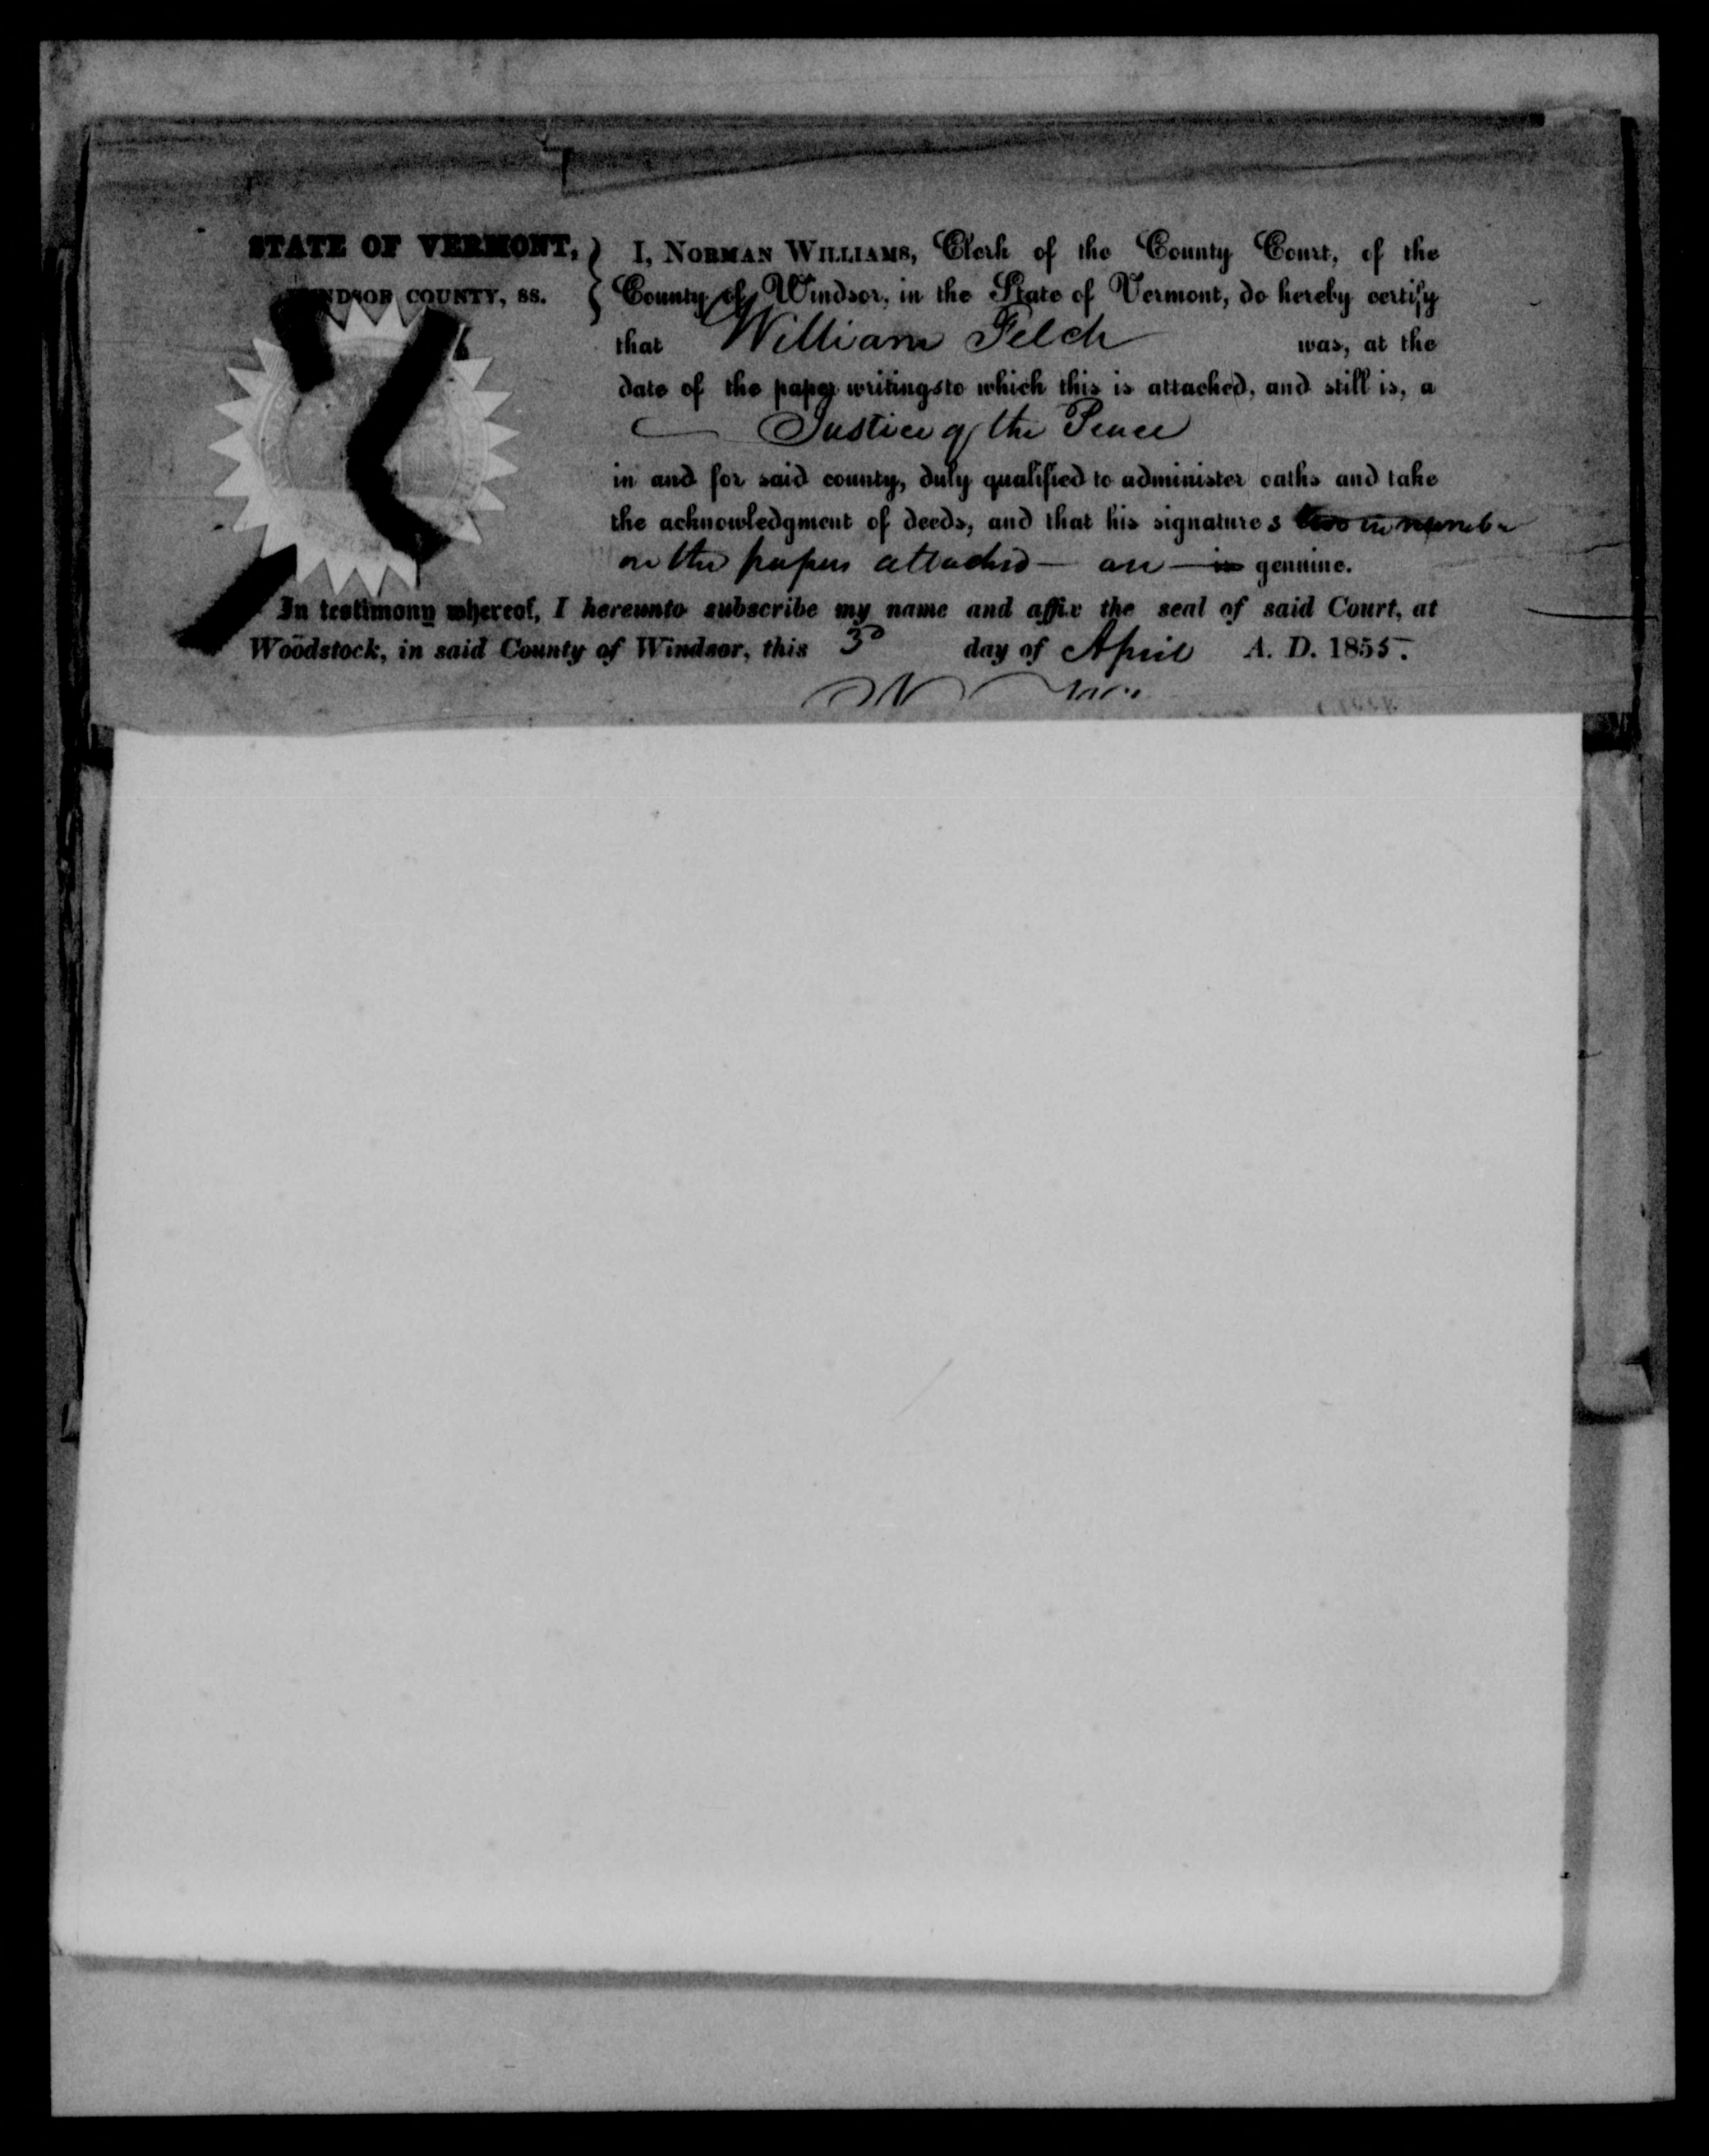State of Vermont
Windsor County SS.
(Seal & ribbon)

I, Norman Williams, Clerk of the County Court, of the County of Windsor, in the State of Vermont, do hereby certify that William Felch was, at the date of the paper writings to which this is attached, and still is, a Justice of the Peace in and for said county, duly qualified to administer oaths and take the acknowledgment of deeds, and that his signatures ^ two in number, on the papers attached are genuine.
In testimony whereof, I hereunto subscribe my name and affix the seal of said Court, at Woodstock, in said County of Windsor, this 3d day of April A. D. 1855.
N  Wms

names: Norman Williams, William Felch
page: 6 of 66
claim: widow's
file: W. 2468, Amos Wetherbee, Mass.